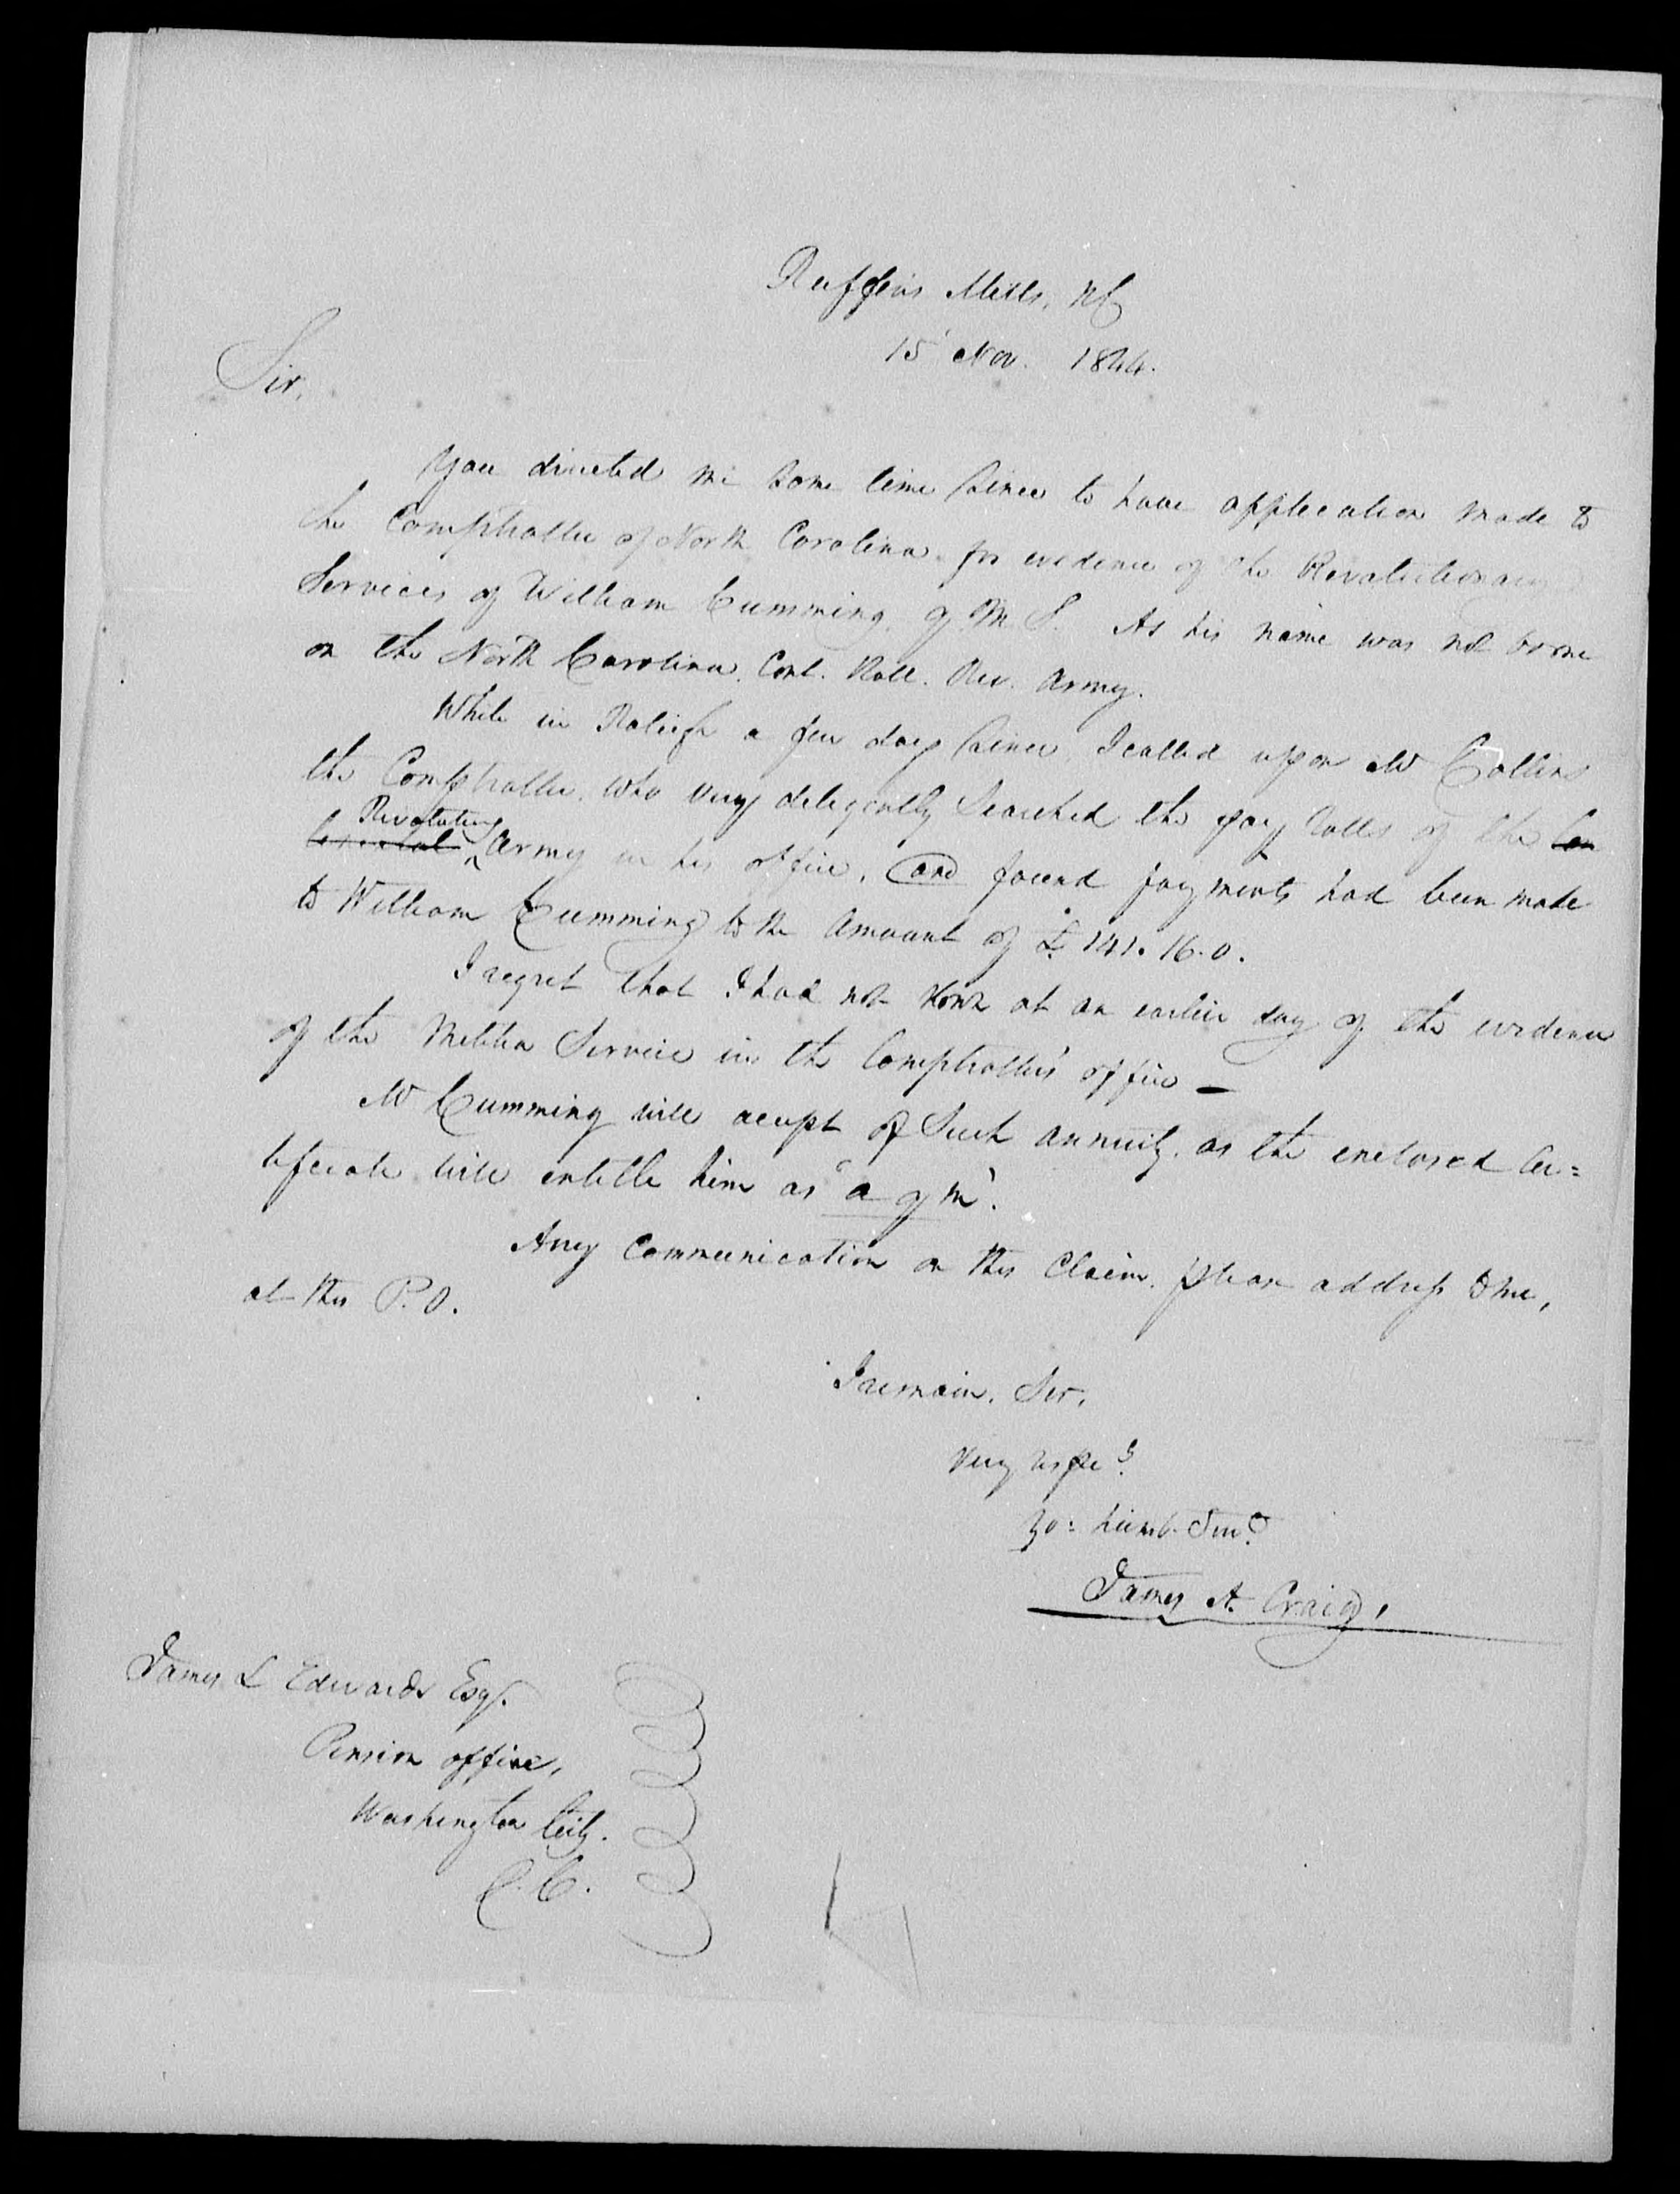[Handwritten letter]

Ruffin's [or Ruffen's] Mills, NC
15 Nov. 1844.

Sir.

You directed me some time Since to have application made to the Comptroller of North Carolina, for evidence of the Revolutionary Services of William Cumming, q.M.S.  As his name was not borne on the North Carolina. Cont. [Continental} Roll. Rev. [Revolutionary] Army.

While in Raleigh a few days Since, I called upon W. Collins the Comptroller. who very diligently Searched the pay Rolls of the [here "Continental" was stricken through] ^ Revolutionary Army in his office, and found payments had been made to William Cumming to the Amount of [here is the pound money symbol] 141.16.0.

I regret that I had not [illegible word] at an earlier day of the evidence of the Militia Service in the Comptroller's office - 

W Cumming will accept of Such annuity, as the enclosed Certificate will entitle him as 'a q m.'

Any Communication on this Claim. please address to me, at this P.O. [Post Office].

I remain, Sir,
Very respe.y [respectfully]
Yo:  humb. Servt. [Your humble Servant] 
[The following signature is underlined:]  James A. Craig,

[There is a hand-drawn swirl to the right side of this name and address:]
James L Edwards Esq. [Esquire]
Pension office,
Washington City.
D.C.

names: James A Craig, James L Edwards, Cumming, Collins, William Cumming, William Cumming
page: 28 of 145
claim: survivor's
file: S. 8265, William Cumming, N.C.